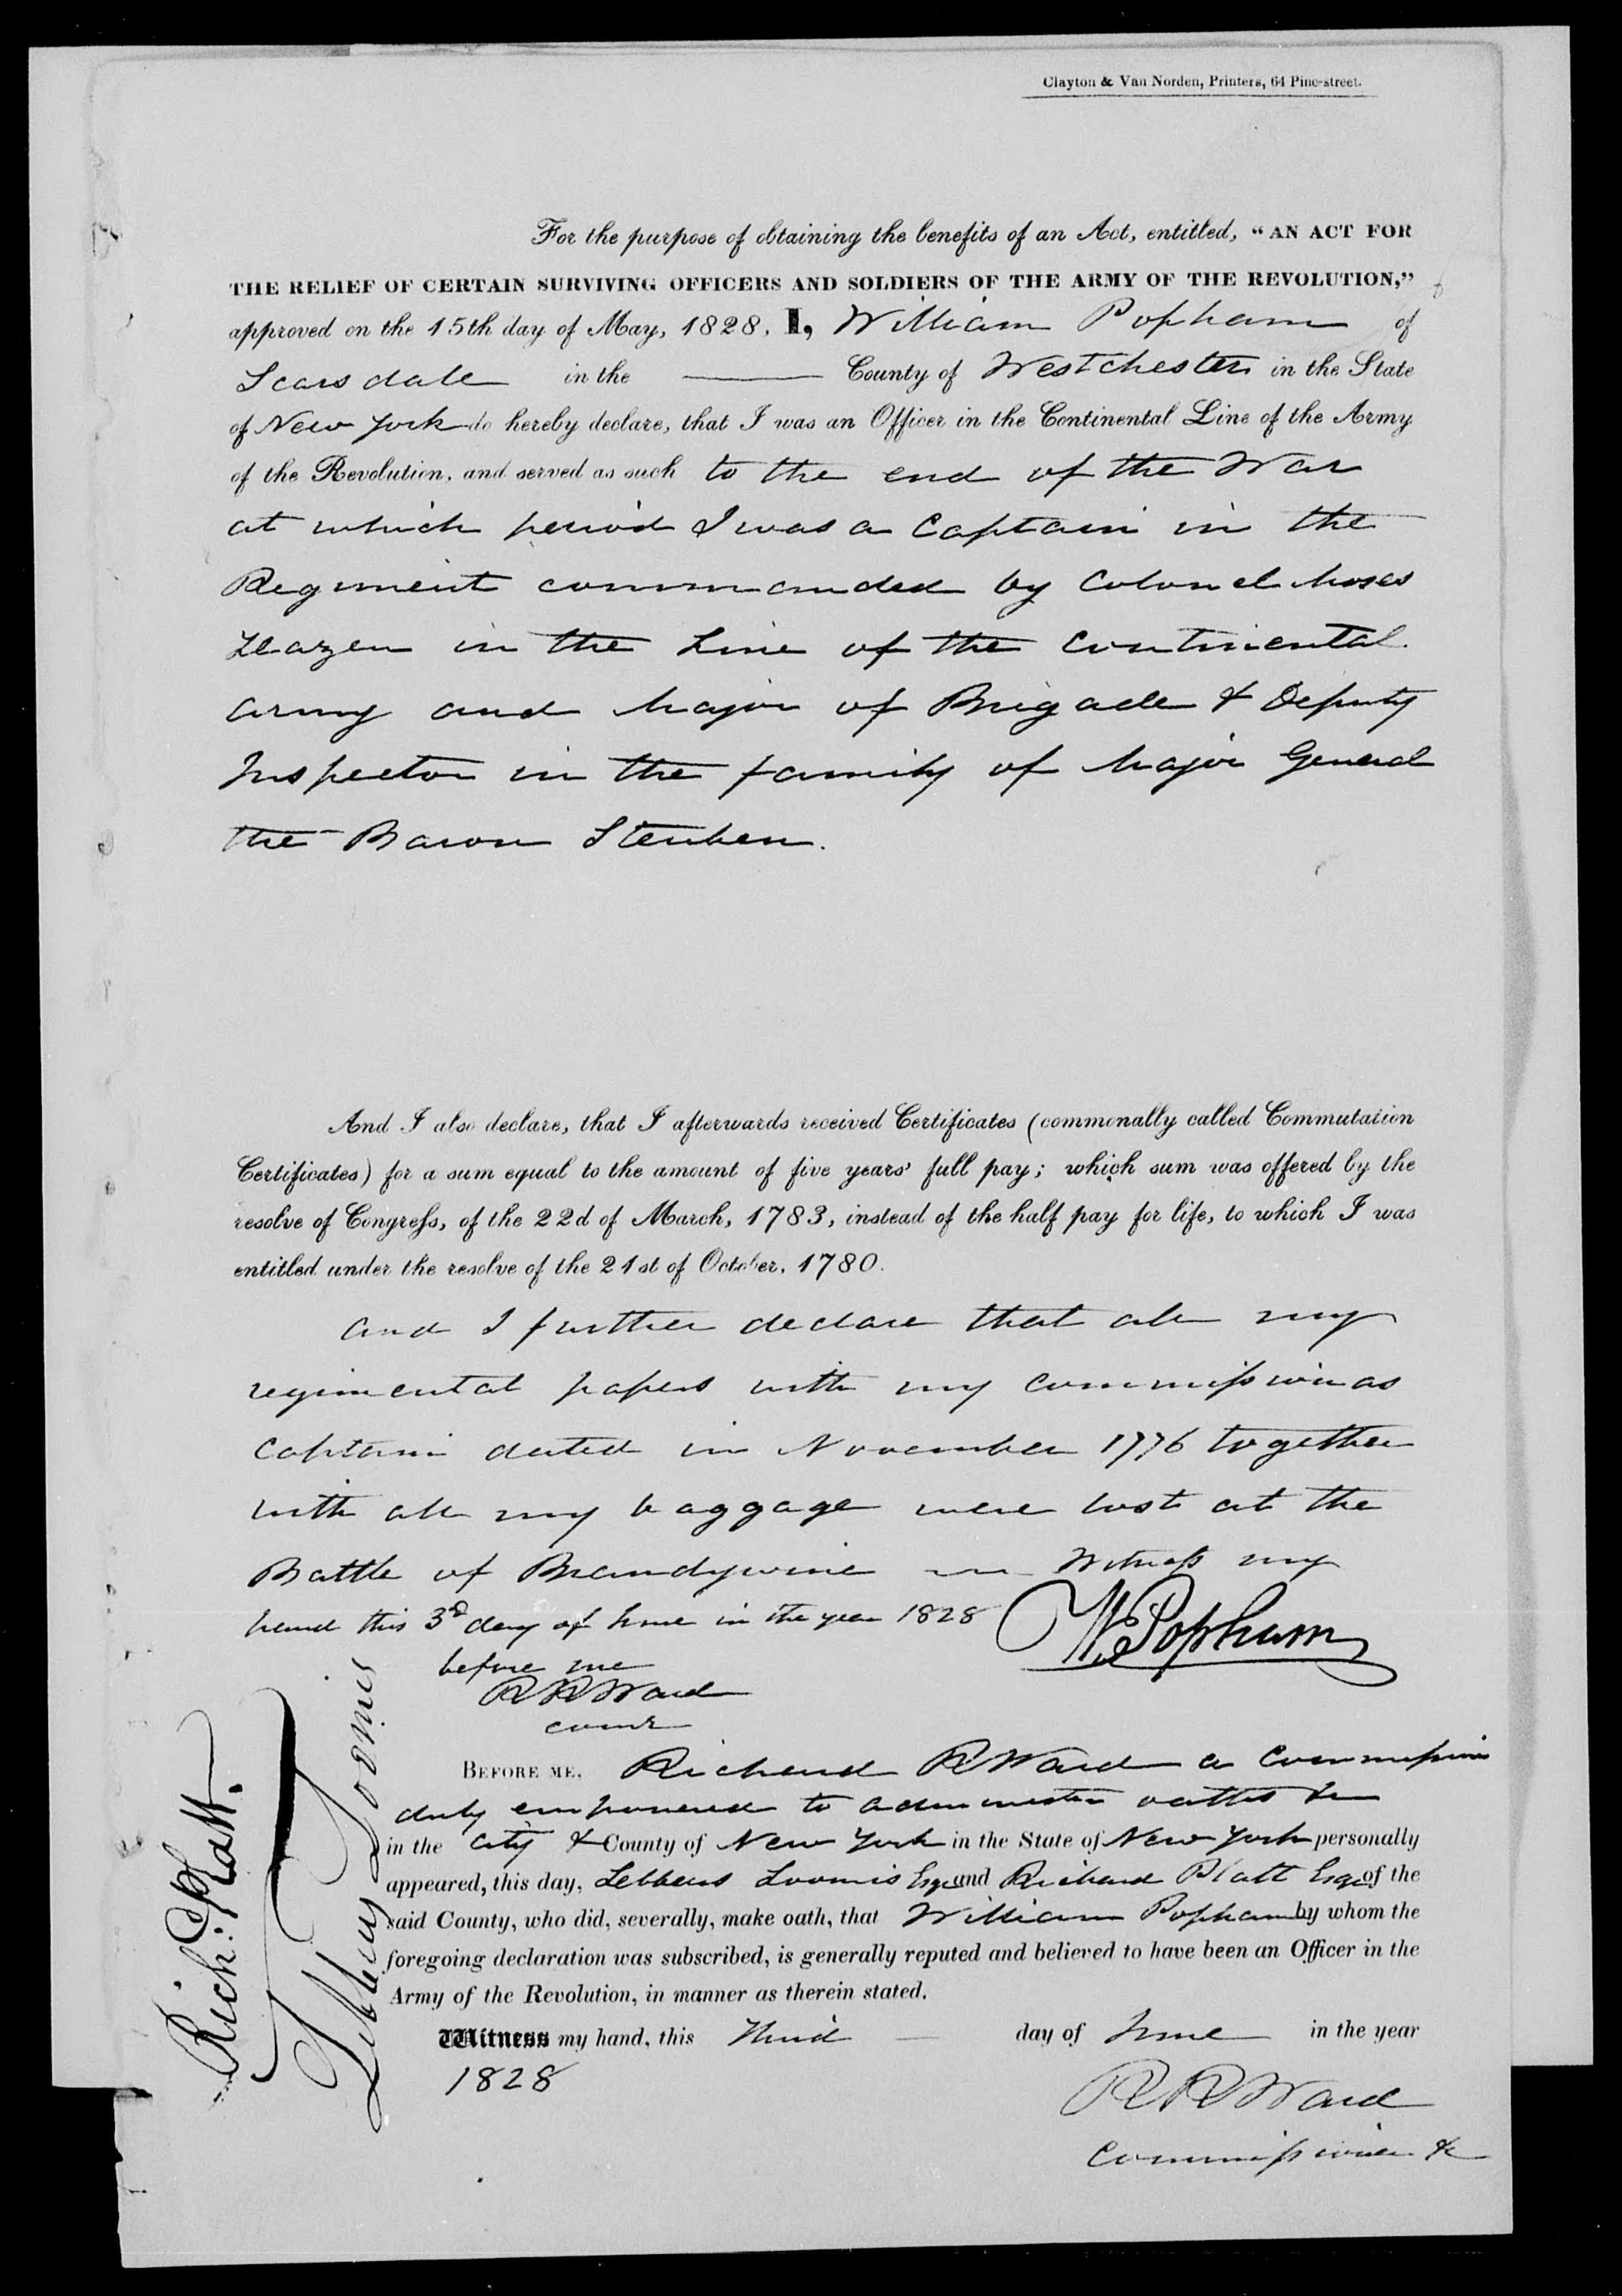Clayton & Van Norden, Printers, 54 Pine-street.
For the purpose of obtaining the benefits of an Act entitled, "AN ACT FOR
THE RELIEF OF CERTAIN SURVIVING OFFICERS AND SOLDIERS OF THE ARMY OF THE REVOLUTION,
approved on the 15th day of May, 1828, I, William Popham
of
Scarsdale
in the
---
County of Westchester in the State of
New York do hereby declare, that I was an Officer in the Continental Line of the Army
of the Revolution, and served as such to the end of the War
at which period I was a captain in the
Regiment commanded by Colonel Moses
Hazen in the line of the continental
army and Mayor of Brigade & Deputy
Inspector in the family of Major General
the Baron Steuben.

And I also declare, that I afterwards received Certificates (commonally called Commutation
Certificates) for a sum equal to the amount of five years full pay; which sum was offered by the resolve
of Congress, of the 22d of March, 1783, instead of the half pay for life, to which I was entitled
under the resolve of the 21st of October 1780.
and I further declare that all my
regimental papers with my commission as
captain dated in November 1776 together
with all my baggage were lost at the
Battle of Brandywine 
W. Popham

Witness my hand
this 3d day of June in the year 1828
before me
RR Ward
Clerk
BEFORE ME, Richard R. Ward a Commission
duly empowered to administer oaths &
in the City & County of New York in the State of New York personally
appeared, this day, Lebbeus Loomis Esq and Richard Platt Esq of the
said County, who did severally make oath, that William Popham by whom the
foregoing declaration was subscribed, is generally reputed and believed to have been an Officer in the
Army of the Revolution, in manner as therein stated.
Witness my hand, this Third
day of June
in the year
1828
RR Ward
Commissioner &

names: [BLANK] Van Norden; Richard Platt; Baron Steuben; William Popham; [BLANK] Clayton; Lebbeus Loomis; Richard R Ward; Moses Hazen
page: 73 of 75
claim: survivor's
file: S. 9989, for William Popham, Delaware